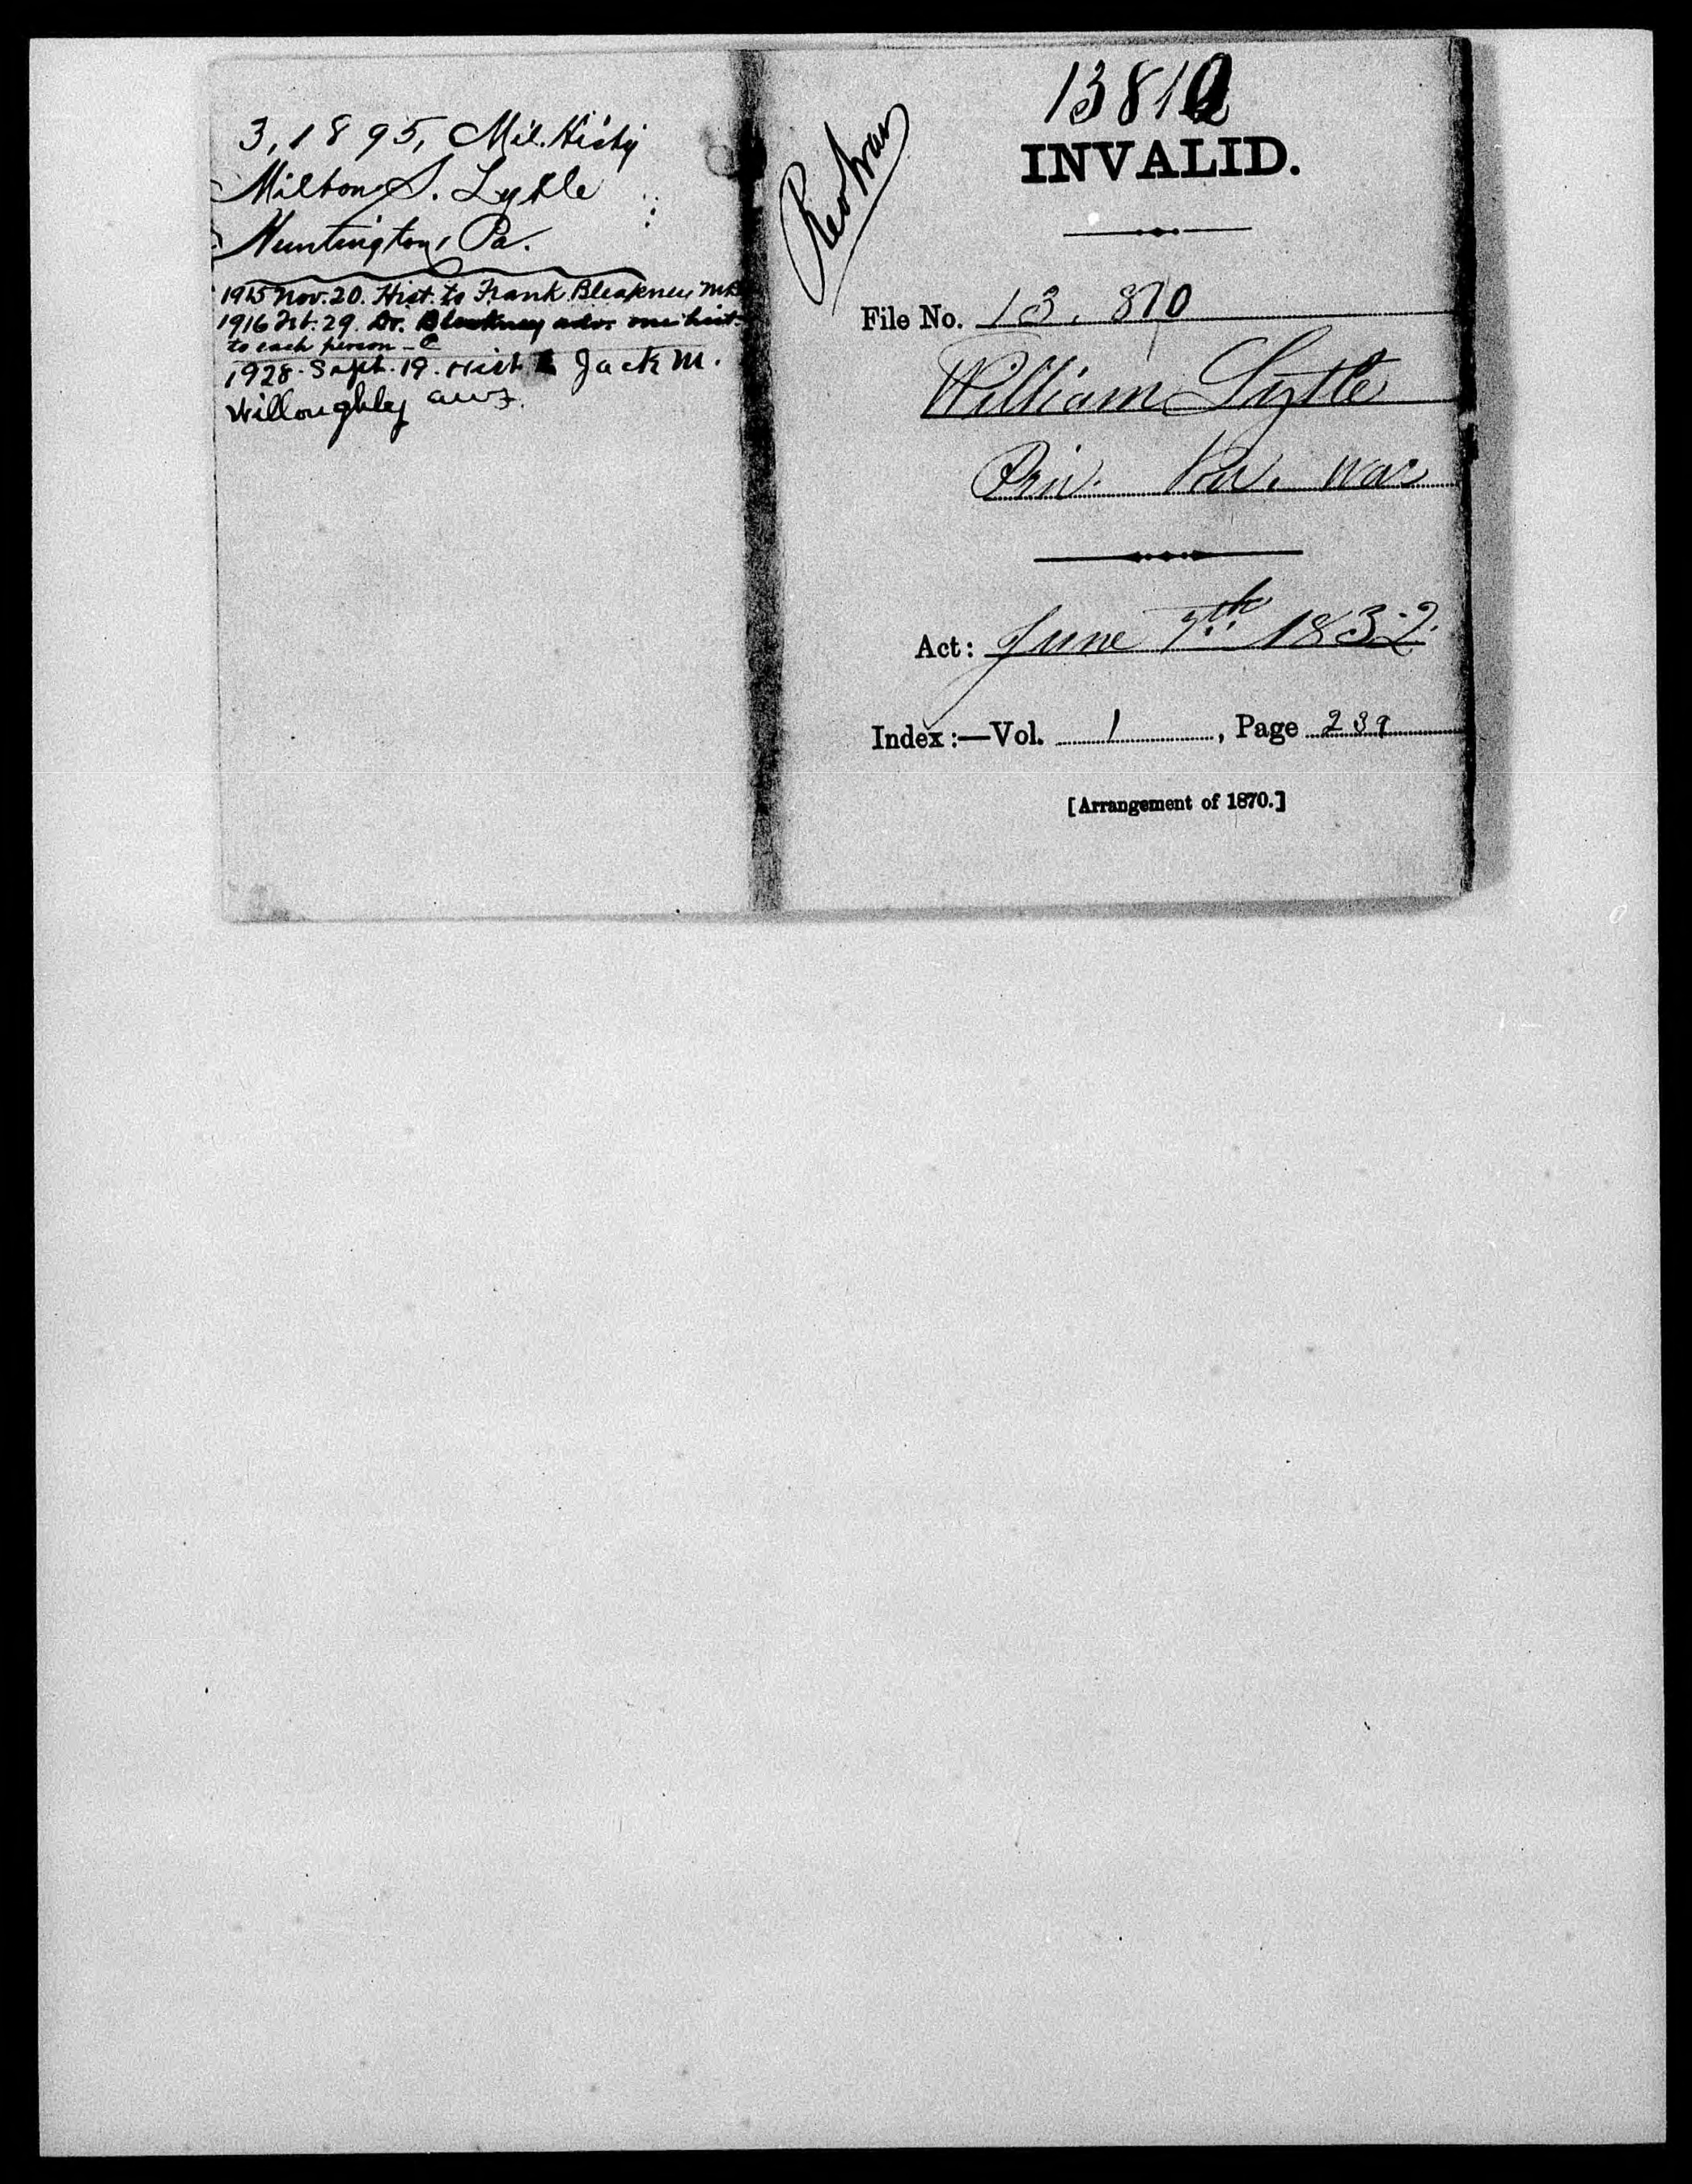3, 1895, Mil. Hist'y
Milton S. Lytle
Huntington, Pa.
1915 Nov.20. Hist to Frank Bleakney MB
1916 Feb.29. Dr. Bleakney adv. one hist. to each person - C
1928 - Sept. 19.  Hist. to Jack M. Willoughby AWF

13810
INVALID.
Rev War

File No. 13, 810
William Lytle
Pri. Rev. War
Act: June 7th 1832
Index: --Vol. 1, Page 239
[Arrangement of 1870.]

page: 20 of 24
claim: survivor's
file: S. 13810, for William Lytle, New York